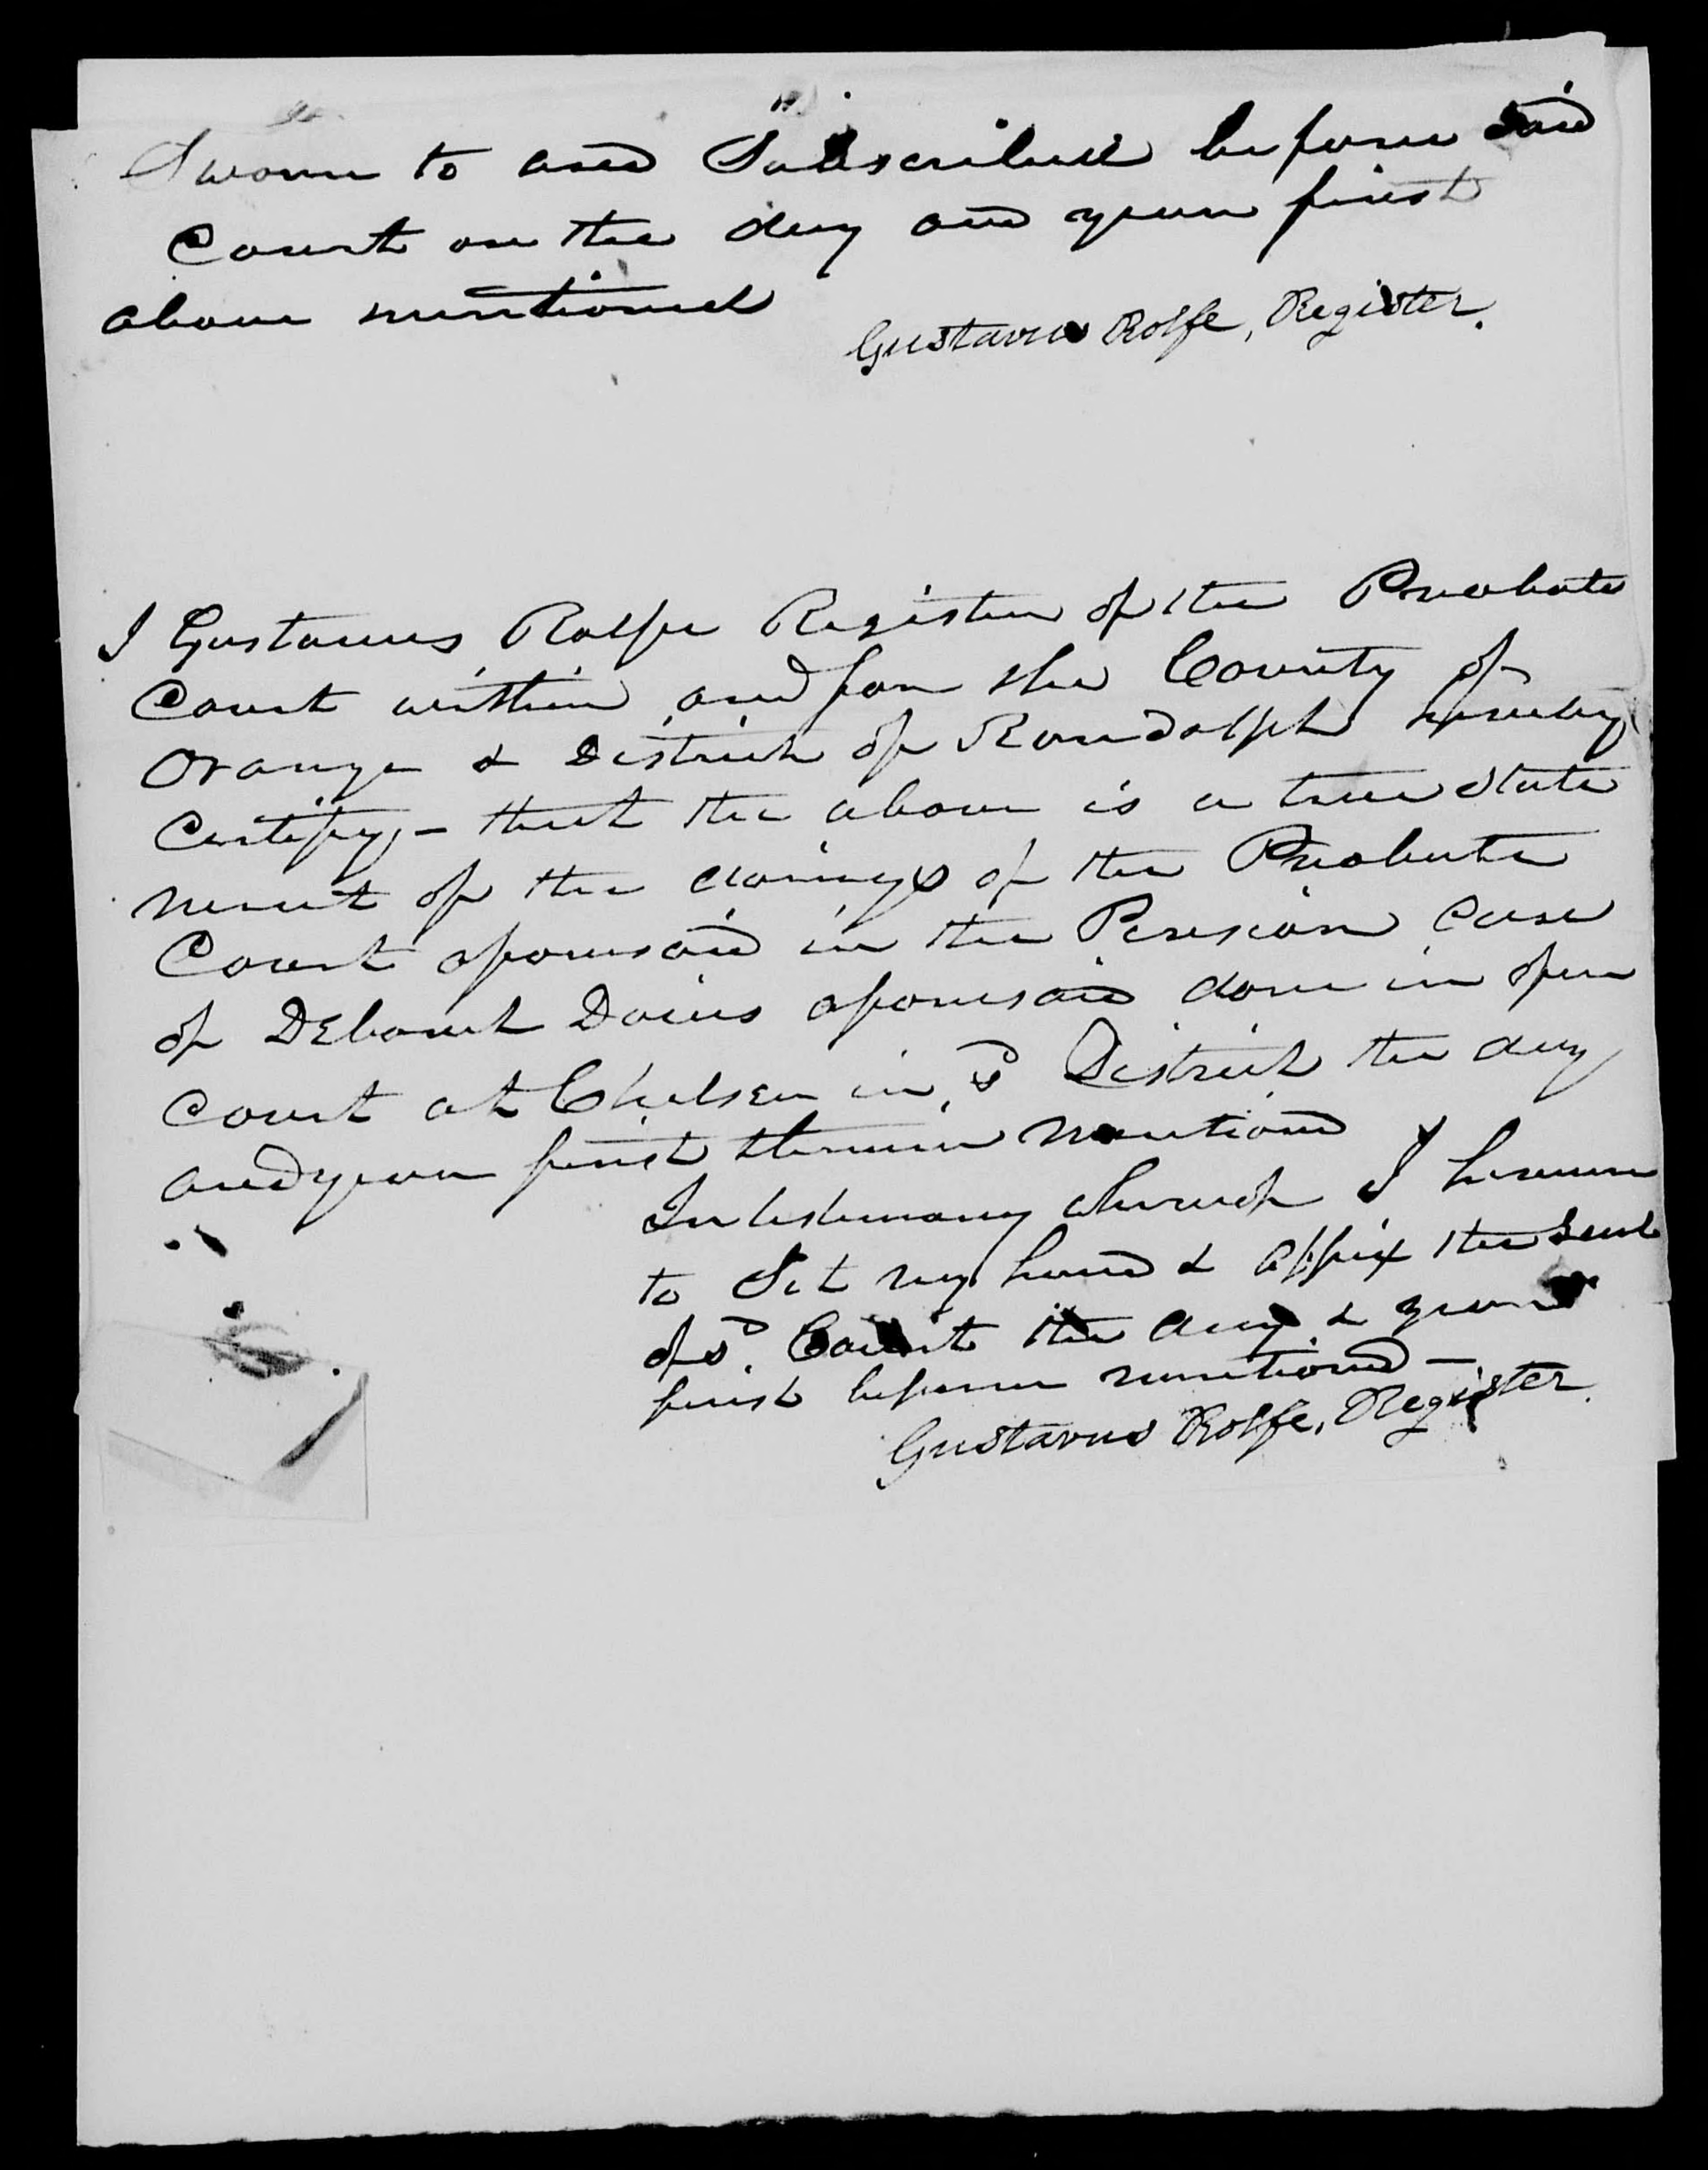Sworn to and subscribed before said
Court on the day and year first
above mentioned
Gustavus Rolfe, Register.
I Gustavus Rolfe Register of the Probate
Court within and for the County of
Orange and District of Randolph
hereby certify - that the above is a true statement of the doings of the Probate Court aforesaid in the Pension case
of Deborah Davis aforesaid done in open Court at Chelsea in sd District the day and year first therein mentioned
In testimony whereof I hereunto
to Set my hand and affix the seal
afsd [aforesaid] Court the day and year
first before mentioned
Gustavus Rolfe, Register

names: Gustavus Rolfe, Gustavus Rolfe, Gustavus Rolfe, Deborah Davis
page: 25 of 47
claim: widow's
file: W. 24043, Jacob Davis, N.H.